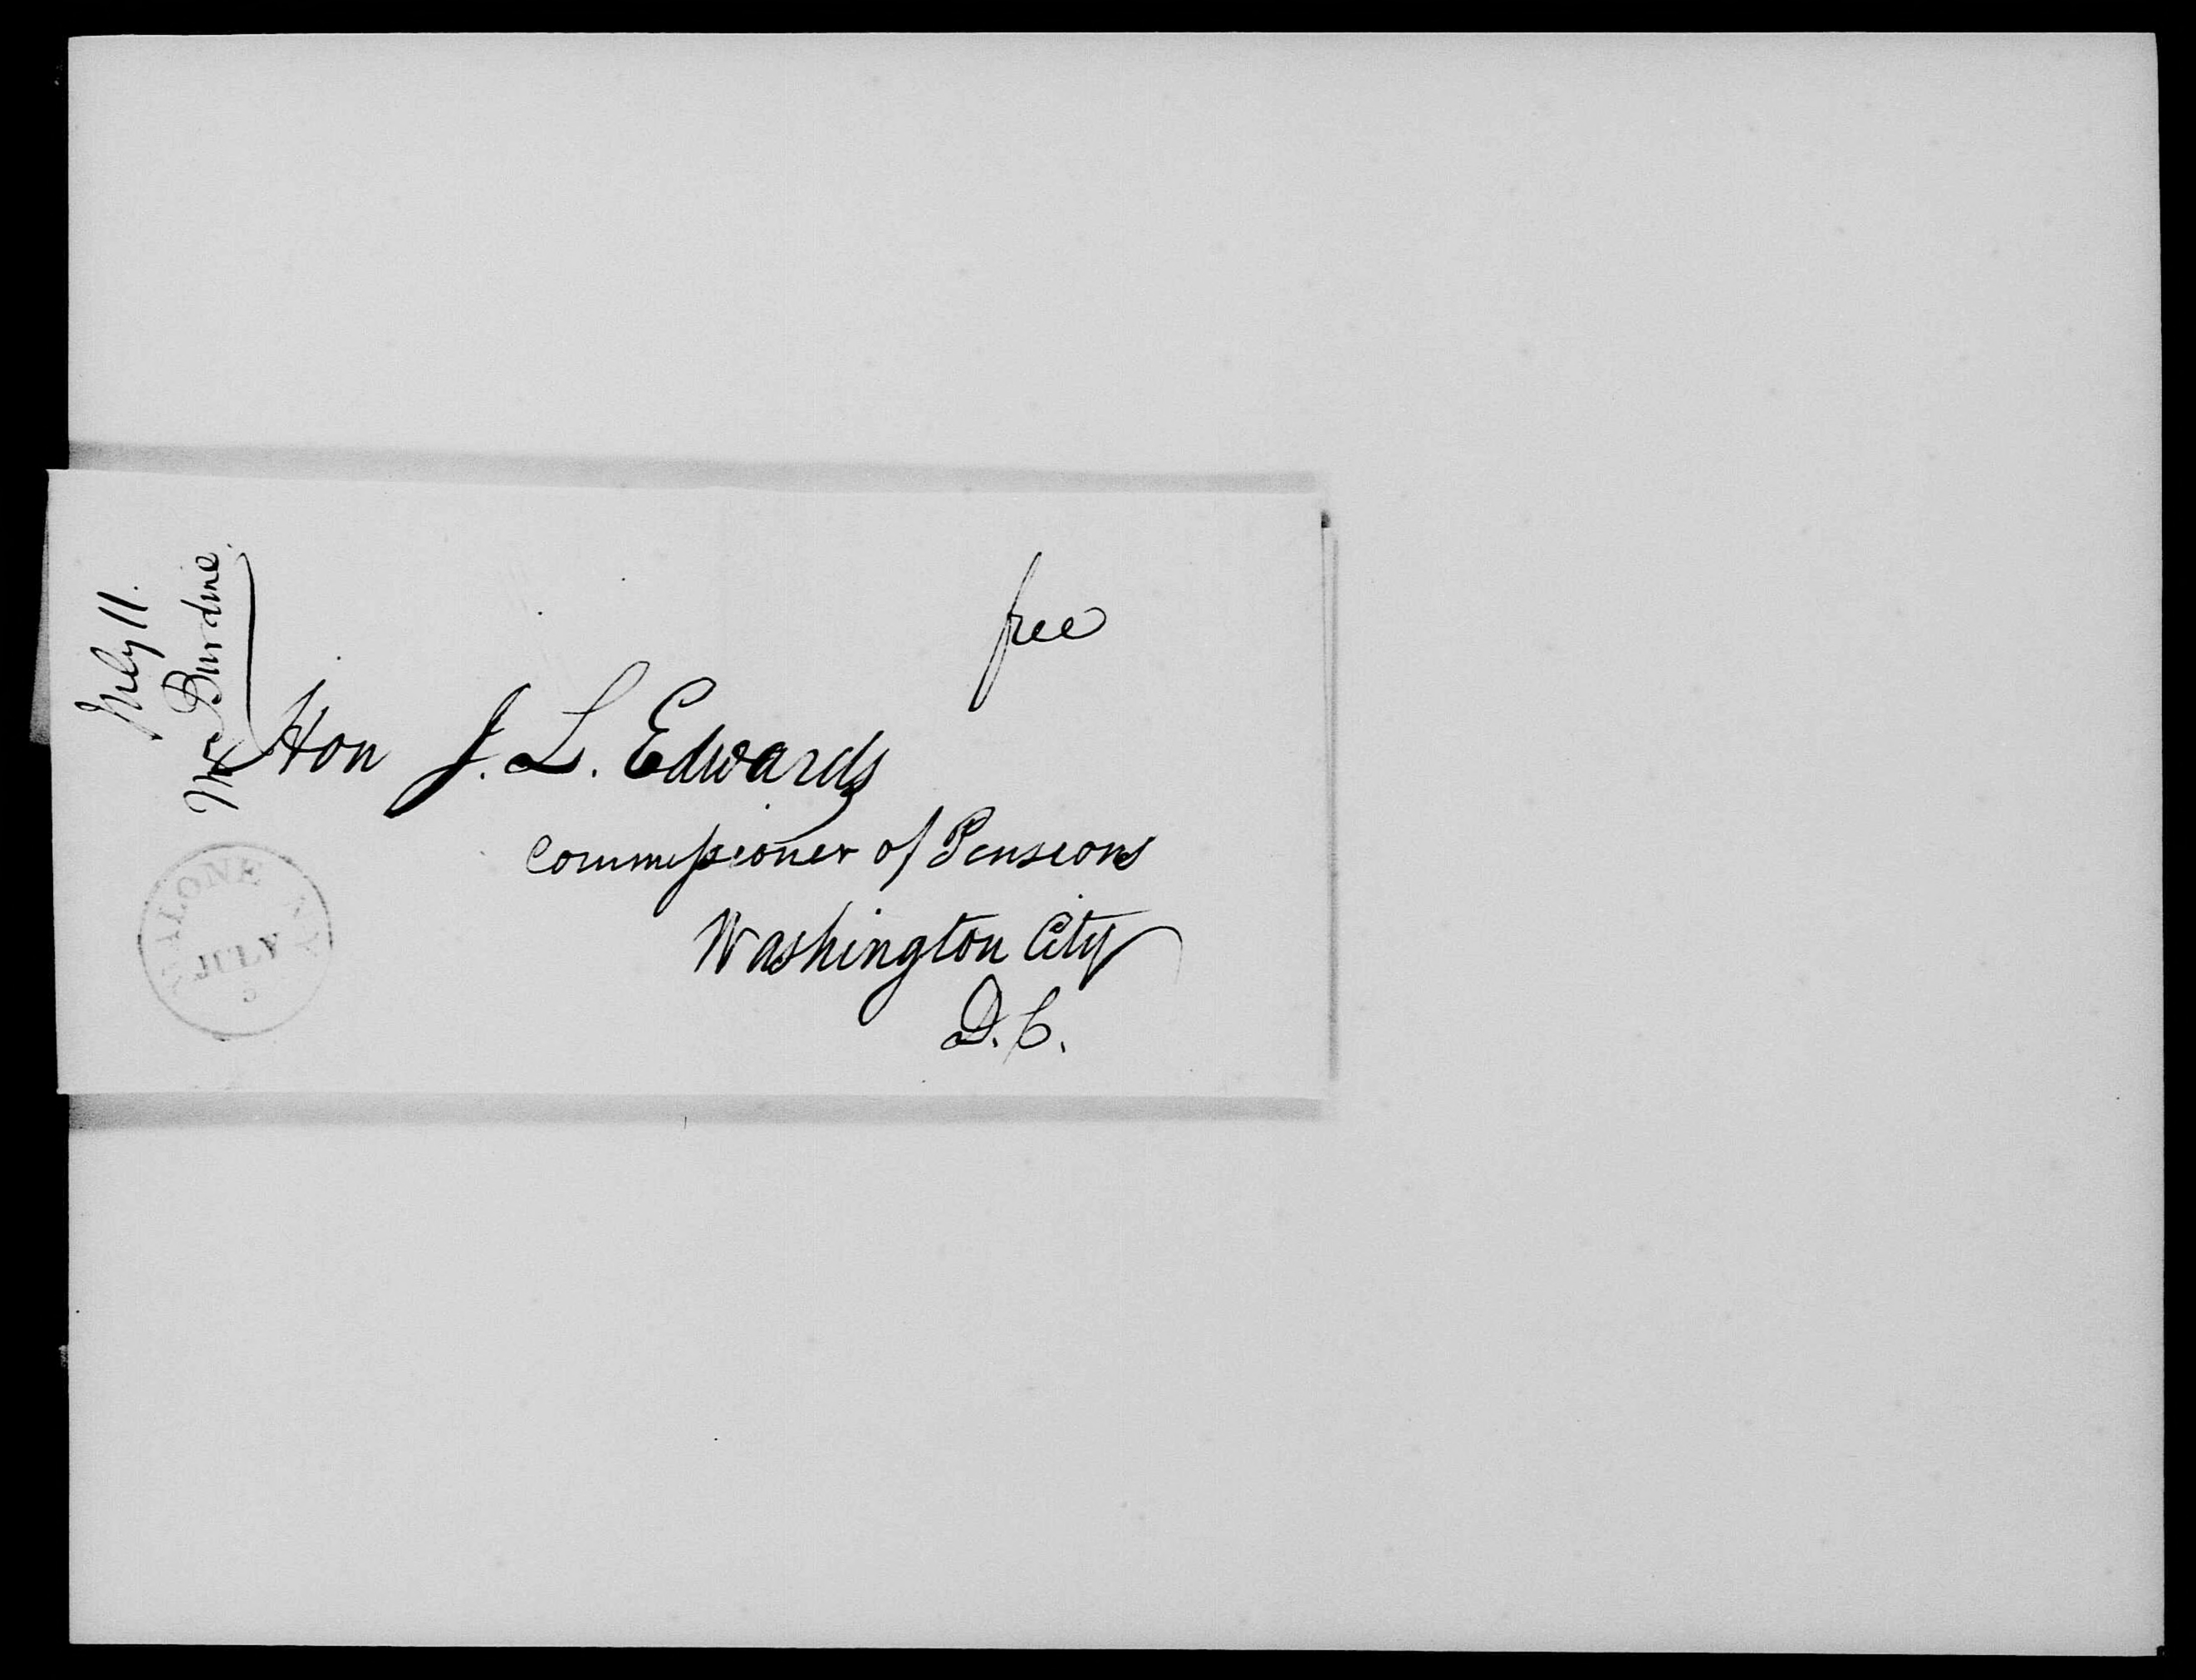Hon J. L. Edwards
commissioner of Pensions
Washington City
D.C.

July 11 Mr. Burdine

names: J L Edwards; [BLANK] Burdine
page: 31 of 34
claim: survivor's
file: S. 13944, for Richard Miner, Massachusetts